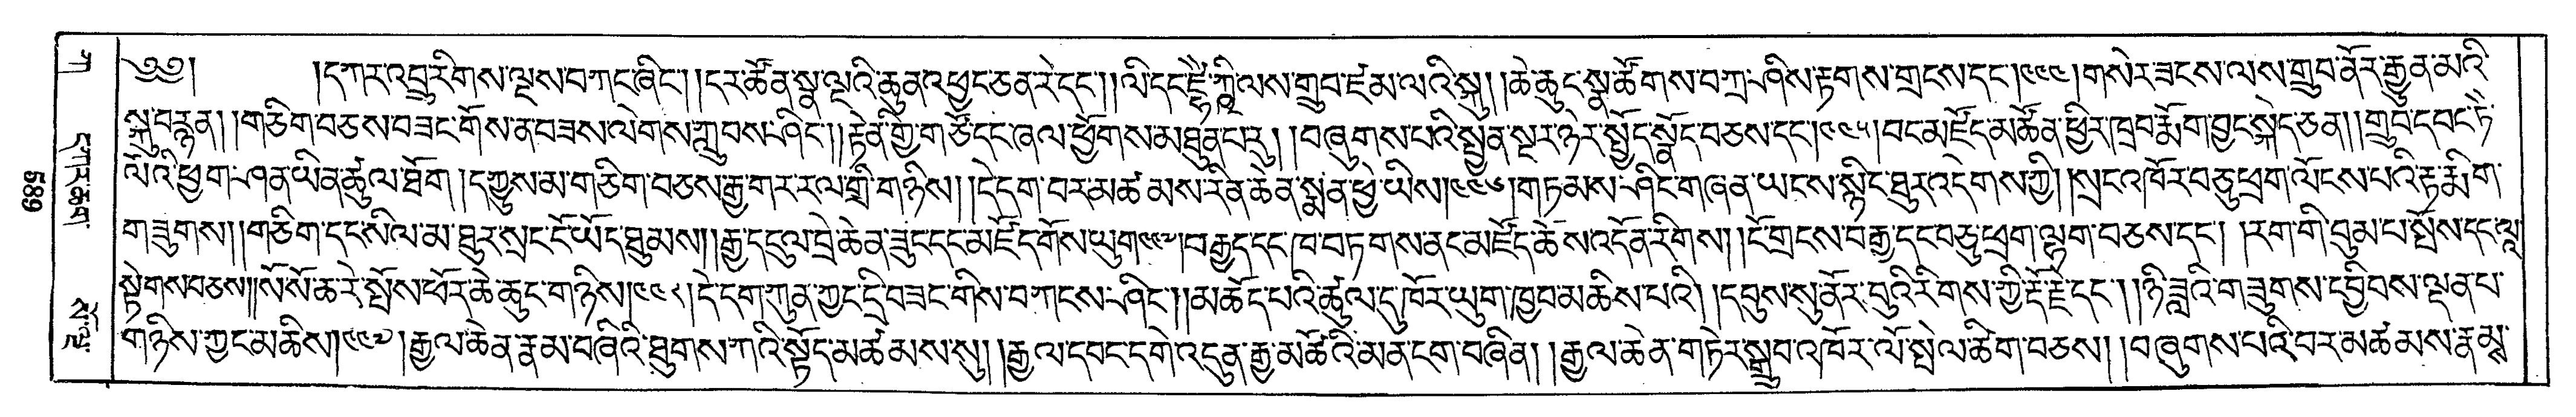༄༅། །དཀར་འབྲུ་རིགས་ལྔས་བཀང་ཞིང་། །དར་ཚོན་སྣ་ལྔའི་ཆུན་འཕྱད་ཅན་རེ་དང་། །ལི་དང་ཛྷཻ་ཀྵི་ལས་གྲུབ་ཛམ་ལའི་སྐུ། །ཆེ་ཆུང་སྣ་ཚོགས་བཀྲ་ཤིས་རྟགས་གྲངས་དང་། ༤༤༤་།གསེར་ཟངས་ལས་གྲུབ་ནོར་རྒྱུན་མའི་
སྐུ་བརྙན། །གཅིག་བཅས་བཟང་གོས་ན་བཟས་ལེགས་ཀླུབས་ཤིང་། །རྟེན་གྱི་གཙོ་དང་ཞལ་ཕྱོགས་མཐུན་པ་རུ། །བཞུགས་པའི་སྤྱན་སྔར་ཉེར་སྤྱོད་སྣོད་བཅས་དང་། ༤༤༥་།བང་མཛོད་མཚོན་ཕྱིར་ཁྲབ་རྨོག་བྱང་སྐེད་ཅན། །གྲུབ་དབང་ཏེ་
ལོའི་ཕྱག་ཤན་ཡིན་ཚུལ་ཐོབ། །དཀྱུས་མ་གཅིག་བཅས་རྒྱ་གར་རལ་གྲི་གཉིས། །དེ་དག་བར་མཚམས་རིན་ཆེན་སྨན་ཕྱེ་ཡིས། ༤༤༦་།གཏམས་ཤིང་གཞན་ཡང་ས་སྙིང་ཐུར་འདེགས་ཀྱི། །སྲང་འཁོར་བཅུ་ཕྲག་ལོངས་པའི་རྟ་རྨིག་
གཟུགས། །གཅིག་དང་སིལ་མ་ཐུར་སྲང་ངོ་ཡོད་ཐུམས། །རྒྱ་དངུལ་བྲེ་ཆེན་ཟུང་དང་མཛོད་གོས་ཡུག ༤༤༧་།བརྒྱད་དང་ཁ་བཏགས་ནང་མཛོད་ཆོས་འདོན་རིགས། །ངོ་གྲངས་བརྒྱ་དང་བཅུ་ཕྲག་ལྷག་བཅས་དང་། །རག་གི་བུམ་པ་སྤོས་དང་ལཱ་
སྟེགས་བཅས། །སོ་སོ་ཆ་རེ་སྤོས་ཕོར་ཆེ་ཆུང་གཉིས། ༤༤༨་།དེ་དག་ཀུན་ཀྱང་དྲི་བཟང་གིས་བཀངས་ཤིང་། །མཆོད་པའི་ཚུལ་དུ་ཁོར་ཡུག་ཁྱབ་མཆིས་པའི། །དབུས་སུ་ནོར་བུའི་རིགས་ཀྱི་རྡོ་རྗེ་དང་། །ཉི་ཟླའི་གཟུགས་དབྱིབས་ལྡན་པ་
གཉིས་ཀྱང་མཆིས། ༤༤༧་།རྒྱལ་ཆེན་རྣམ་བཞིའི་ཐུགས་ཀའི་སྟོད་མཚམས་སུ། །རྒྱལ་དབང་དགེ་འདུན་རྒྱ་མཚོའི་མན་ངག་བཞིན། །རྒྱལ་གཏེར་སྒྲུབ་འཁོར་ལོ་སྤེལ་ཚིག་བཅས། །བཞུགས་པའི་བར་མཚམས་རྣམས་